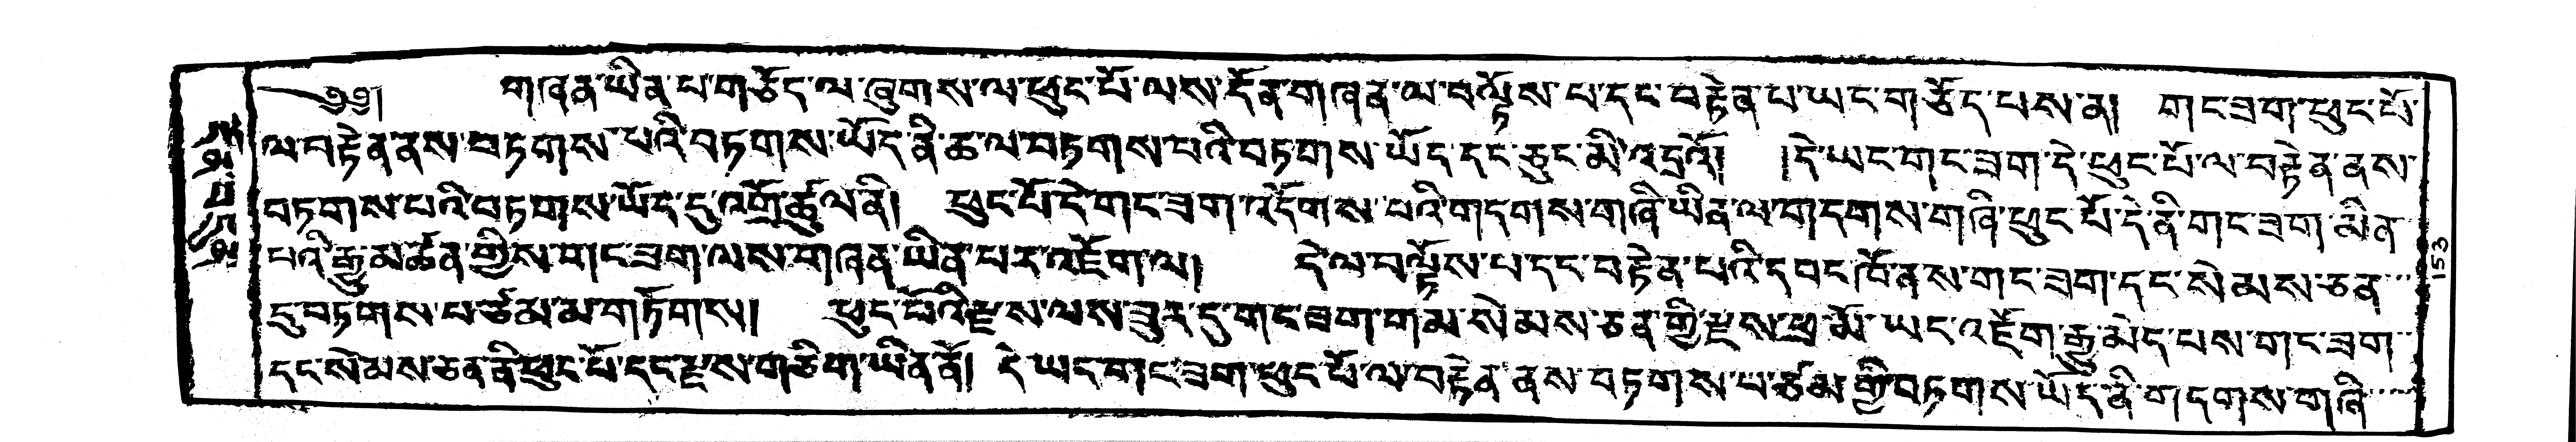༄༅། །གཞན་ཡིན་པ་གཅོད་ལ་ཞུགས་ལ་ཕུང་པོ་ལས་དོན་གཞན་ལ་བལྟོས་པ་དང་བརྟེན་པ་ཡང་གཅོད་པས་ན། གང་ཟག་ཕུང་པོ་
ལ་བརྟེན་ནས་བཏགས་པའི་བཏགས་ཡོད་ནི་ཆ་ལ་བཏགས་པའི་བཏགས་ཡོད་དང་ཅུང་མི་འདྲའོ། །དེ་ཡང་གང་ཟག་དེ་ཕུང་པོ་ལ་བརྟེན་ནས་
བཏགས་པའི་བཏགས་ཡོད་དུ་འགྲོ་ཚུལ་ནི། ཕུང་པོ་དེ་གང་ཟག་འདོགས་པའི་གདགས་གཞི་ཡིན་ལ་གདགས་གཞི་ཕུང་པོ་དེ་ནི་གང་ཟག་མིན་
པའི་རྒྱུ་མཚན་གྱིས་གང་ཟག་ལས་གཞན་ཡིན་པར་འཇོག་ལ། དེ་ལ་བལྟོས་པ་དང་བརྟེན་པའི་དབང་ཁོ་ནས་གང་ཟག་དང་སེམས་ཅན་
དུ་བཏགས་པ་ཙམ་མ་གཏོགས། ཕུང་པོའི་རྫས་ལས་ཟུར་དུ་གང་ཟག་གམ་སེམས་ཅན་གྱི་རྫས་ཕྲ་མོ་ཡང་འཇོག་རྒྱུ་མེད་པས་གང་ཟག་
དང་སེམས་ཅན་ནི་ཕུང་པོ་དང་རྫས་གཅིག་ཡིན་ནོ། དེ་ཡང་གང་ཟག་ཕུང་པོ་ལ་བརྟེན་ནས་བཏགས་པ་ཙམ་གྱི་བཏགས་ཡོད་ནི་གདགས་གཞི་